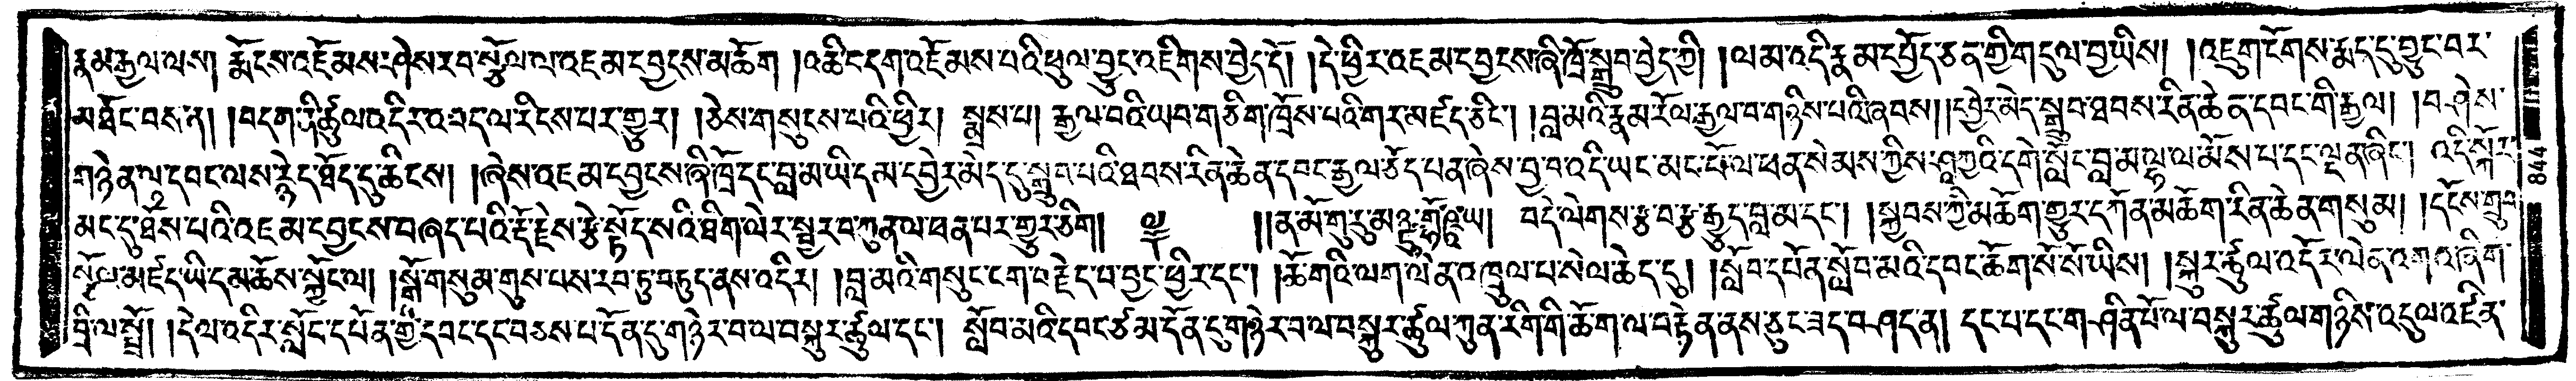རྣམ་རྒྱལ་ལས། རྨོངས་འཇོམས་ཤེས་རབ་སྩོལ་ལ་འཇམ་དབྱངས་མཆོག །འཆི་བདག་འཇོམས་པའི་ཕུལ་བྱུང་འཇིགས་བྱེད་དོ། །དེ་ཕྱིར་འཇམ་དབྱངས་ཞི་ཁྲོ་སྒྲུབ་བྱེད་ཀྱི། །ལམ་འདི་རྣམ་དཔྱོད་ཅན་གྱི་གདུལ་བྱ་ཡིས། །འཇུག་ངོགས་རྨད་དུ་བྱུང་བར་
མཐོང་བས་ན། །བདག་ནི་ཚུལ་འདིར་འབད་ལ་རིངས་པར་གྱུར། །ཅེས་གསུངས་པའི་ཕྱིར། སྨྲས་པ། རྒྱལ་བའི་ཡབ་གཅིག་ཁྲོས་པའི་གར་མཛད་ཅིང་། །བླ་མའི་རྣམ་རོལ་རྒྱལ་བ་གཉིས་པའི་ཞབས། །དབྱེར་མེད་སྒྲུབ་ཐབས་རིན་ཆེན་དབང་གི་རྒྱལ། །བཤེས་
གཉེན་སྙ་དབང་ལས་རྙེད་ཐོད་དུ་ཆིངས། །ཞེས་འཇམ་དབྱངས་ཞི་ཁྲོ་དང་བླ་མ་ཡི་དམ་དབྱེར་མེད་དུ་སྒྲུབ་པའི་ཐབས་རིན་ཆེན་དབང་རྒྱལ་ཅོད་པན་ཞེས་བྱ་བ་འདི་ཡང་མང་པོ་ལ་ཕན་སེམས་ཀྱིས་ཤཱཀྱའི་དགེ་སློང་བླ་མ་ལྷ་ལ་མོས་པ་དང་ལྡན་ཞིང་། འདི་སྐོར་
མང་དུ་ཐོས་པའི་འཇམ་དབྱངས་བཞད་པའི་རྡོ་རྗེས་རྩེ་སྟོད་སའི་ཐིག་ལེར་སྦྱར་བ་ཀུན་ལ་ཕན་པར་གྱུར་ཅིག། ༈ །།ན་མོ་གུ་རུ་མཉྫུ་གྷོ་ཥཱ་ཡ། བདེ་ལེགས་རྩ་བ་རྩ་རྒྱུད་བླ་མ་དང་། །སྐྱབས་ཀྱི་མཆོག་གྱུར་དཀོན་མཆོག་རིན་ཆེན་གསུམ། །དངོས་གྲུབ་
སྩོལ་མཛད་ཡི་དམ་ཆོས་སྐྱོང་ལ། །སྒོ་གསུམ་གུས་པས་རབ་ཏུ་བཏུད་ནས་འདིར། །བླ་མའི་གསུང་ངག་བརྗེད་པ་བྱང་ཕྱིར་དང་། །ཆོ་གའི་ལག་ལེན་འཁྲུལ་པ་སེལ་ཆེད་དུ། །སློབ་དཔོན་སློབ་མའི་དབང་ཆོག་སོ་སོ་ཡིས། །སྐུར་ཚུལ་འདོར་ལེན་འགའ་ཞིག་
བྲི་ལ་སྤྲོ། །དེ་ལ་འདིར་སློབ་དཔོན་གྱི་དབང་དང་བཅས་པ་དོན་དུ་གཉེར་བ་ལ་བསྐུར་ཚུལ་དང་། སློབ་མའི་དབང་ཙམ་དོན་དུ་གཉེར་བ་ལ་བསྐུར་ཚུལ་ཀུན་རིག་གི་ཆོ་ག་ལ་བརྟེན་ནས་ཅུང་ཟད་བཤད་ན། དང་པོ་དང་གཤིན་པོ་ལ་བསྐུར་ཚུལ་གཉིས་འདུལ་འཛིན་